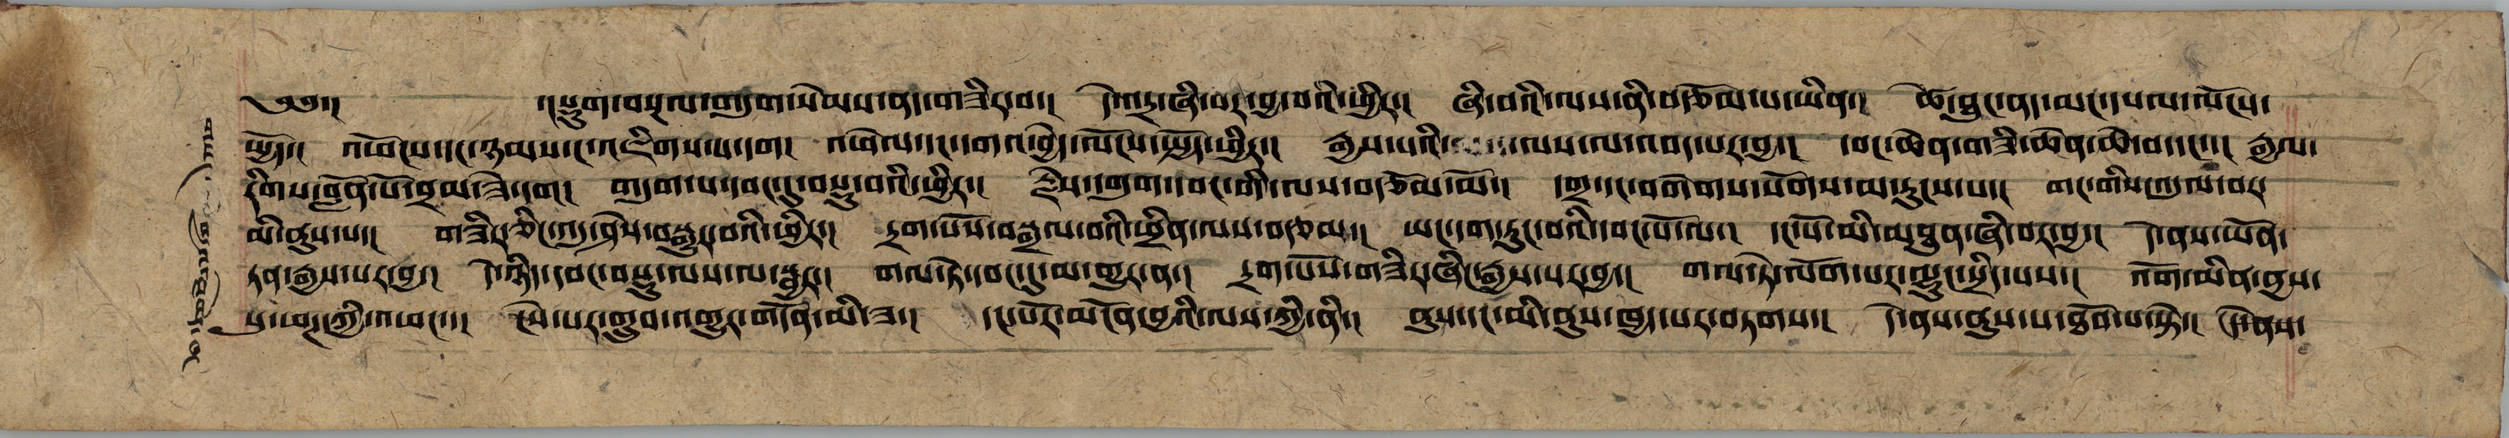༄༅་། ་།སྡུག་བསྔལ་གདུག་སེམས་ནད་གཟིར་བ་། དེ་འདྲ་ཞི་བར་བྱ་བའི་ཕྱིར་། ཞི་བའི་ལས་ནི་བརྩོམ་པ་ཡིན་། ཚེ་ཐུང་ནད་མང་དཔལ་ལོངས་
སྤྱོད་། འཕོངས་དང་ཉམས་ང་འཇིགས་པ་དག། འཕེལ་དང་དགའ་བྱེད་ལོངས་སྤྱོད་ཕྱིར་། རྒྱས་པའི་ ལས་ལ་འབད་པར་བྱ་། དབང་ཆེན་གཟི་ཆེན་ཆེ་བ་དང་་། རྒྱལ་
རིགས་བློན་པོ་བྲམ་ཟེ་དག། གདུག་པ་དབང་དུ་བསྡུ་བའི་ཕྱིར་། རྗེས་དགུག་དབང་གི་ལས་བརྩོམ་མོ་། དགྲ་དང་བགེགས་སོགས་མ་རུངས་པ་། གང་གིས་འདུལ་བར་
མི་ནུས་པ་། གཟིར་ཅིང་འདུ་ཤེས་བསྒྱུར་བའི་ཕྱིར་། དྲག་པོས་བསྒྲལ་བའི་ཕྲིན་ལས་བརྩམ་། ཡང་དག་རུང་བའི་དབང་པོ་ལ་། དང་པོ་མི་མཐུན་ཞི་བར་བྱ་། དེ་ནས་ཡོན་
ཏན་རྒྱས་པར་བྱ་། དེ་ཉིད་དབང་བསྡུ་ལས་ལ་སྦྱར་། གལ་ཏེ་དབང་དུ་མ་གྱུར་ན་། དྲག་པོས་གཟིར་ཞིང་རྒྱས་པར་བྱ་། གལ་ཏེ་ལོག་པར་ལྷུང་སྲིད་པས་། འོག་མིན་ནྱས་
སུ་ཕཊ་ཀྱི་འཕང་་། ངེས་པར་གྲུབ་འགྱུར་གདོན་མི་ཟ་། དང་པོར་མངོན་བྱའི་ལས་ཀྱི་ནི་། ནུས་དང་མི་ནུས་ཁྱད་པར་བཏགས་། དེ་ནས་ནུས་པ་ཐོབ་པ་སྟེ་། དེ་ནས་